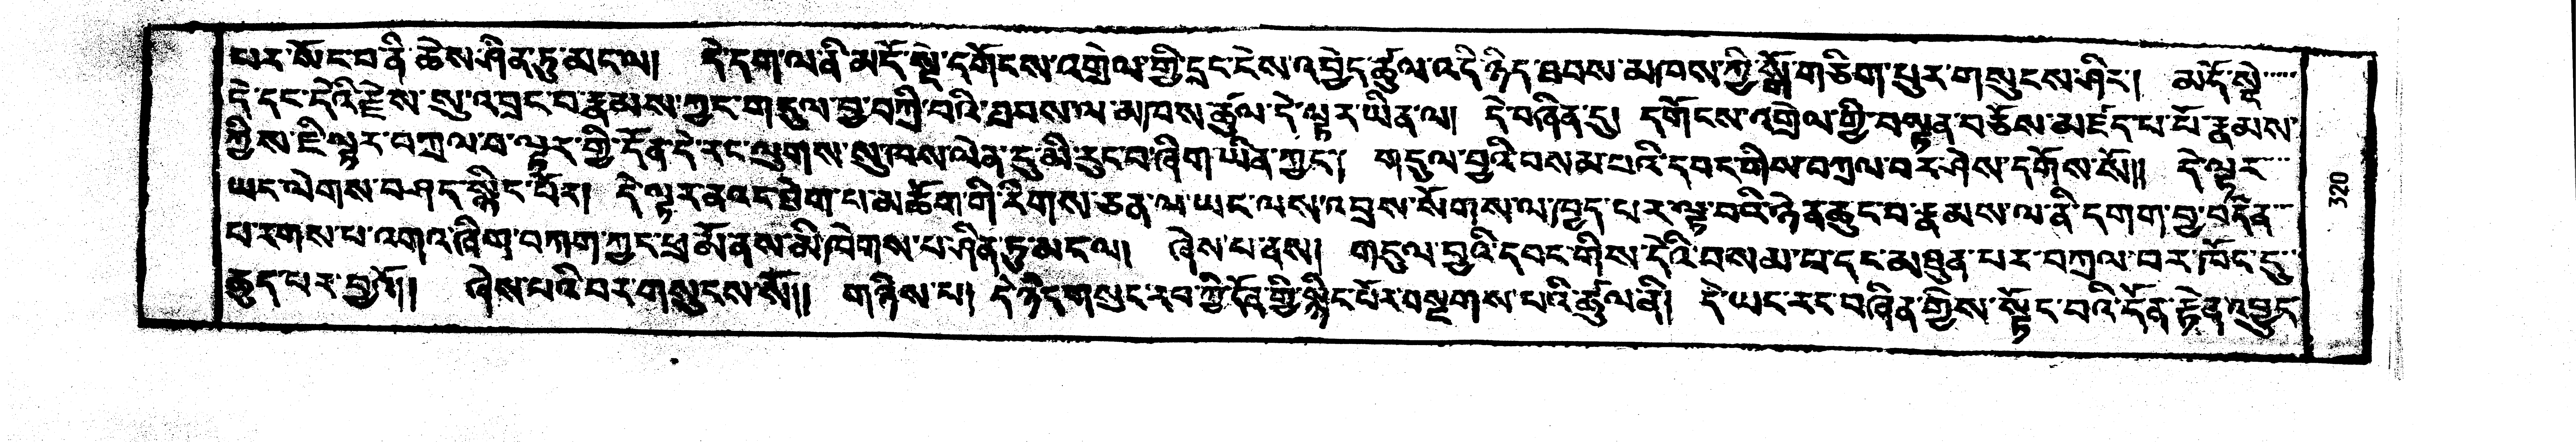པར་སོང་བ་ནི་ཆེས་ཤིན་ཏུ་མང་ལ། དེ་དག་ལ་ནི་མདོ་སྡེ་དགོངས་འགྲེལ་གྱི་དྲང་ངེས་འབྱེད་ཚུལ་འདི་ཉིད་ཐབས་མཁས་ཀྱི་སྒོ་གཅིག་པུར་གསུངས་ཤིང་། མདོ་སྡེ་
དེ་དང་དེའི་རྗེས་སུ་འབྲང་བ་རྣམས་ཀྱང་གདུལ་བྱ་བཀྲི་བའི་ཐབས་ལ་མཁས་ཚུལ་དེ་ལྟར་ཡིན་ལ། དེ་བཞིན་དུ། དགོངས་འགྲེལ་གྱི་བསྟན་བཅོས་མཛད་པ་པོ་རྣམས་
ཀྱིས་ཇི་ལྟར་བཀྲལ་བ་ལྟར་གྱི་དོན་དེ་རང་ལུགས་སུ་ཁས་ལེན་དུ་མི་རུང་བ་ཞིག་ཡིན་ཀྱང་། གདུལ་བྱའི་བསམ་པའི་དབང་གིས་བཀྲལ་བར་ཤེས་དགོས་སོ། །དེ་ལྟར་
ཡང་ལེགས་བཤད་སྙིང་པོར། དེ་ལྟར་ནའང་ཐེག་པ་མཆོག་གི་རིགས་ཅན་ལ་ཡང་ལས་འབྲས་སོགས་ལ་ཁྱད་པར་ལྟ་བའི་ཉེན་ཆུང་བ་རྣམས་ལ་ནི་དགག་བྱ་བདེན་
པ་རགས་པ་འགའ་ཞིག་བཀག་ཀྱང་ཕྲ་མོ་ནས་མི་ཁེགས་པ་ཤིན་ཏུ་མངལ། ཞེས་པ་ནས། གདུལ་བྱའི་དབང་གིས་དེའི་བསམ་པ་དང་མཐུན་པར་བཀྲལ་བར་ཁོང་དུ་
ཆུད་པར་བྱའོ། །ཞེས་པའི་བར་གསུངས་སོ། །གཉིས་པ། དེ་ཉིད་གསུང་རབ་ཀྱི་དོན་གྱི་སྙིང་པོར་བསྔགས་པའི་ཚུལ་ནི། དེ་ཡང་རང་བཞིན་གྱིས་སྟོང་བའི་དོན་རྟེན་འབྱུང་